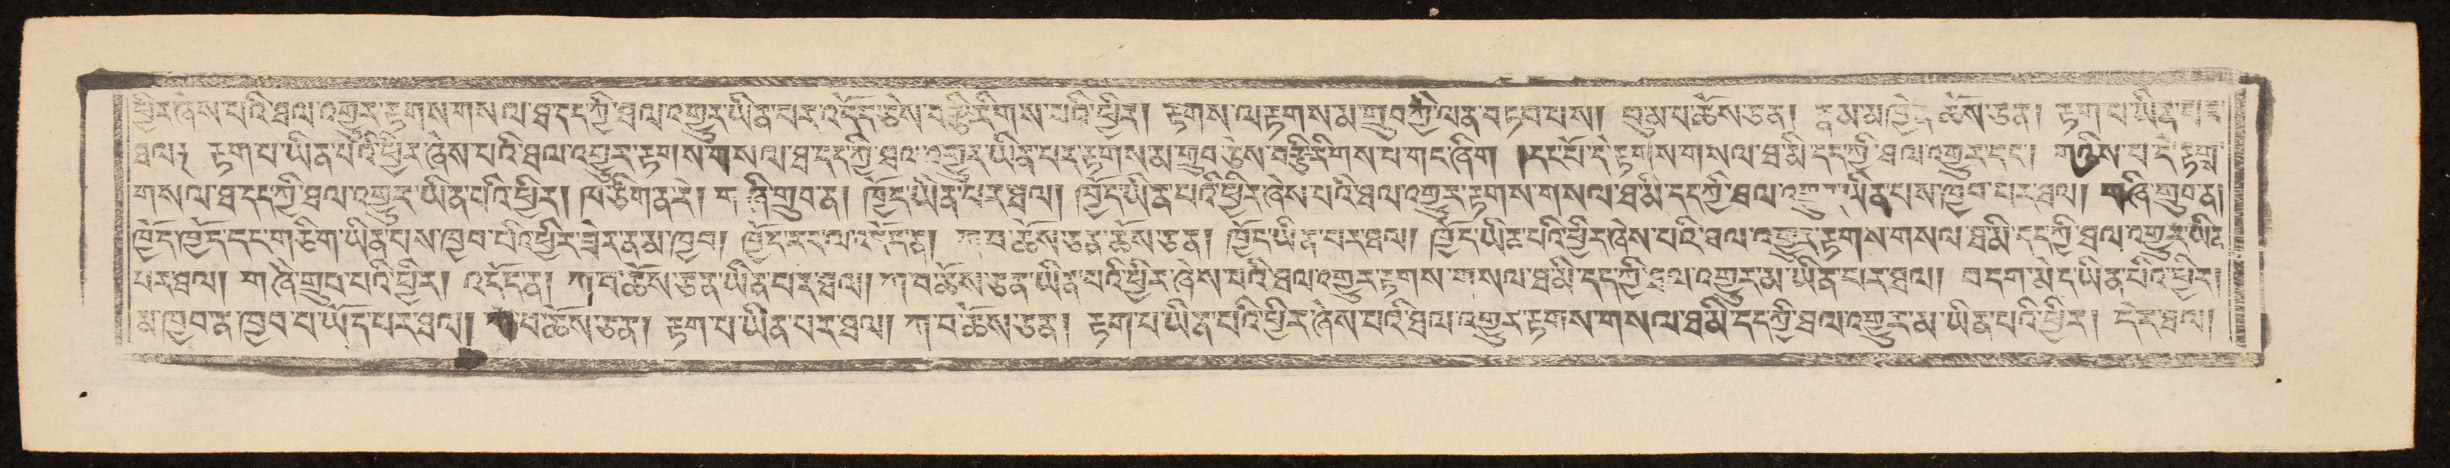ཕྱིར་ཞེས་པའི་ཐལ་འགྱུར་རྟགས་གསལ་ཐ་དད་ཀྱི་ཐལ་འགྱུར་ཡིན་པར་འདོད་ཅེས་བརྩི་རིགས་པའི་ཕྱིར། རྟགས་ལ་རྟགས་མ་གྲུབ་ཀྱི་ལན་བཏབ་པས། བུམ་པ་ཆོས་ཅན། རྣམ་མཁྱེན་ཆོས་ཅན། རྟག་པ་ཡིན་པར་
ཐལ། རྟག་པ་ཡིན་པའི་ཕྱིར་ཞེས་པའི་ཐལ་འགྱུར་རྟགས་གསལ་ཐ་དད་ཀྱི་ཐལ་འགྱུར་ཡིན་པར་རྟགས་མ་གྲུབ་ཅེས་བརྩི་རིགས་པ་གང་ཞིག །དང་པོ་དེ་རྟགས་གསལ་ཐ་མི་དད་ཀྱི་ཐལ་འགྱུར་དང་། གཉིས་པ་དེ་རྟགས་
གསལ་ཐ་དད་ཀྱི་ཐལ་འགྱུར་ཡིན་པའི་ཕྱིར། ཁ་ཅིག་ན་རེ། གཞི་གྲུབ་ན། ཁྱོད་ཡིན་པར་ཐལ། ཁྱོད་ཡིན་པའི་ཕྱིར་ཞེས་པའི་ཐལ་འགྱུར་རྟགས་གསལ་ཐ་མི་དད་ཀྱི་ཐལ་འགྱུར་ཡིན་པས་ཁྱབ་པར་ཐལ། གཞི་གྲུབ་ན།
ཁྱོད་ཁྱོད་དང་གཅིག་ཡིན་པས་ཁྱབ་པའི་ཕྱིར་ཟེར་ན་མ་ཁྱབ། ཁྱོད་རང་ལ་འདོད་ན། ཀ་བ་ཆོས་ཅན་ཆོས་ཅན། ཁྱོད་ཡིན་པར་ཐལ། ཁྱོད་ཡིན་པའི་ཕྱིར་ཞེས་པའི་ཐལ་འགྱུར་རྟགས་གསལ་ཐ་མི་དད་ཀྱི་ཐལ་འགྱུར་ཡིན་
པར་ཐལ། གཞི་གྲུབ་པའི་ཕྱིར། འདོད་ན། ཀ་བ་ཆོས་ཅན་ཡིན་པར་ཐལ། ཀ་བ་ཆོས་ཅན་ཡིན་པའི་ཕྱིར་ཞེས་པའི་ཐལ་འགྱུར་རྟགས་གསལ་ཐ་མི་དད་ཀྱི་ཐལ་འགྱུར་མ་ཡིན་པར་ཐལ། བདག་མེད་ཡིན་པའི་ཕྱིར།
མ་ཁྱབ་ན་ཁྱབ་པ་ཡོད་པར་ཐལ། ཀ་བ་ཆོས་ཅན། རྟག་པ་ཡིན་པར་ཐལ། ཀ་བ་ཆོས་ཅན། རྟག་པ་ཡིན་པའི་ཕྱིར་ཞེས་པའི་ཐལ་འགྱུར་རྟགས་གསལ་ཐ་མི་དད་ཀྱི་ཐལ་འགྱུར་མ་ཡིན་པའི་ཕྱིར། དེར་ཐལ།